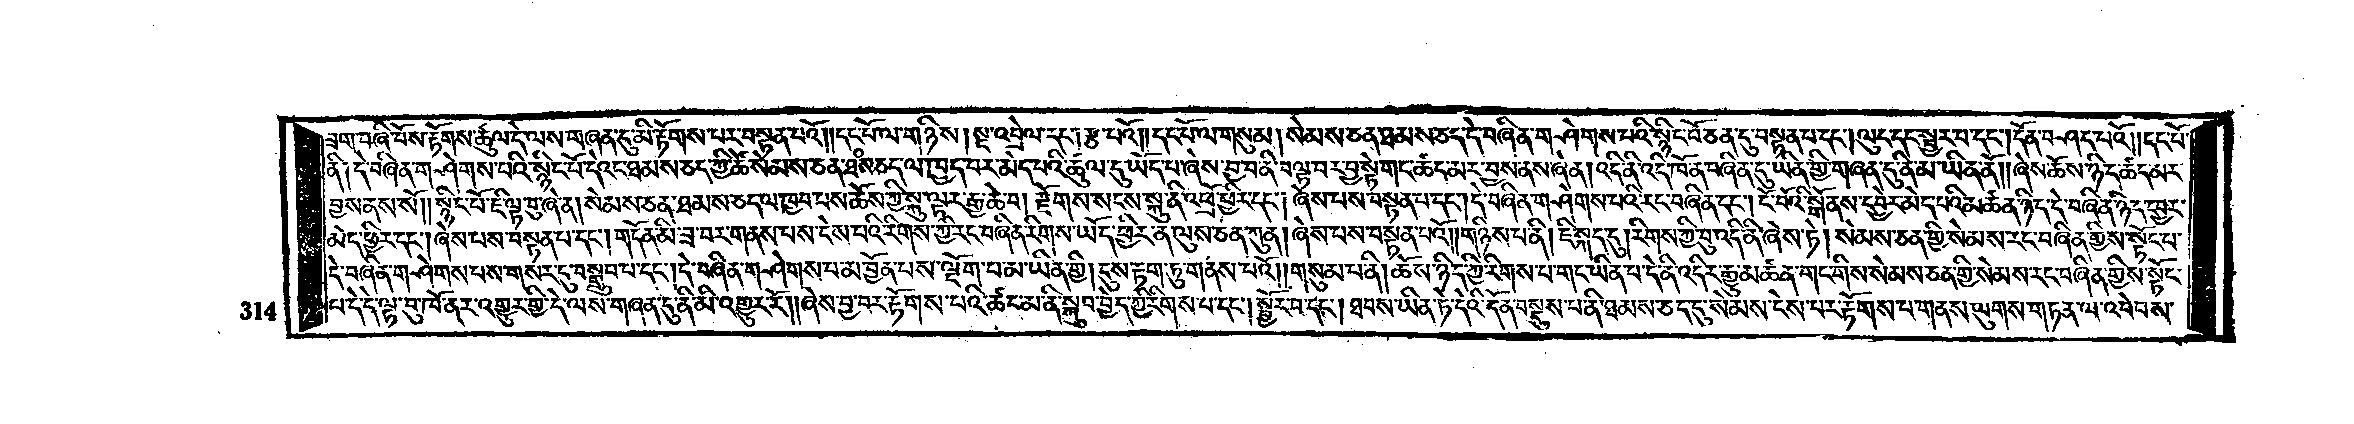ཟག་བཞི་པོས་རྟོགས་ཚུལ་དེ་ལས་གཞན་དུ་མི་རྟོགས་པར་བསྟན་པའོ། །དང་པོ་ལ་གཉིས། སྔ་འབྲེལ་དང་། རྩ་བའོ། །དང་པོ་ལ་གསུམ། སེམས་ཅན་ཐམས་ཅད་དེ་བཞིན་གཤེགས་པའི་སྙིང་པོ་ཅན་དུ་བསྟན་པ་དང་། ལུང་དང་སྦྱར་བས་དང་། དོན་བཤད་པའོ། །དང་པོ་
ནི༑ དེ་བཞིན་གཤེགས་པའི་སྙིང་པོ་དེའང་ཐམས་ཅད་ཀྱི་ཚེ་སེམས་ཅན་ཐམས་ཅད་ལ་ཁྱད་པར་མེད་པའི་ཚུལ་དུ་ཡོད་པ་ཞེས་བྱ་བ་ནི་བལྟ་བར་བྱ་སྟེ་གང་ཚད་མར་བྱས་ནས་ཞེ་ན། འདི་ནི་འདི་ཁོ་ན་བཞིན་དུ་ཡིན་གྱི་གཞན་དུ་ནི་མ་ཡིན་ནོ། །ཞེས་ཆོས་ཉིད་ཚད་མར་
བྱས་ནས་སོ། །སྙིང་པོ་ཇི་ལྟ་བུ་ཞེ་ན། སེམས་ཅན་ཐམས་ཅད་ལ་ཁྱབ་པས་ཆོས་ཀྱི་སྐུ་ལྟར་རྒྱ་ཆེ་བ། རྫོགས་སངས་རྒྱས་སྐུ་ནི་འཕྲོ་ཕྱིར་དང་། ཞེས་པས་བསྟན་པ་དང་། དེ་བཞིན་གཤེགས་པའི་རང་བཞིན་དང་། ངོ་བོའི་སྒོ་ནས་དབྱེར་མེད་པའི་མཚན་ཉིད་དེ་བཞིན་ཉིད་དབྱར་
མེད་ཕྱིར་དང་། ཞེས་པས་བསྟན་པ་དང་། གདོན་མི་ཟ་བར་གནས་པས་ངེས་པའི་རིགས་ཀྱི་རང་བཞིན་རིགས་ཡོད་ཕྱིར་ན་ལུས་ཅན་ཀུན། ཞེས་པས་བསྟན་པའོ། །གཉིས་པ་ནི། ཇི་སྐད་དུ། རིགས་ཀྱི་བུ་འདི་ནི་ཞེས་ཏེ། སེམས་ཅན་གྱི་སེམས་རང་བཞིན་གྱིས་སྟོང་པ་
དེ་བཞིན་གཤེགས་པས་གསར་དུ་བསྒྲུབ་པ་དང་། དེ་བཞིན་གཤེགས་པ་མ་བྱོན་པས་ལྡོག་པ་མ་ཡིན་གྱི་།དུས་རྟག་ཏུ་གནས་པའོ། །གསུམ་པ་ནི། ཆོས་ཉིད་ཀྱི་རིགས་པ་གང་ཡིན་པ་དེ་ནི་འདིར་རྒྱུ་མཚན་གང་གིས་སེམས་ཅན་གྱི་སེམས་རང་བཞིན་གྱིས་སྟོང་
པ་དེ་དེ་ལྟ་བུ་ཁོ་ནར་འགྱུར་གྱི་དེ་ལས་གཞན་དུ་ནི་མི་འགྱུར་རོ། །ཞེས་བྱ་བར་རྟོགས་པའི་ཚང་མ་ནི་སྐུ་བ་བྱེད་ཀྱི་རིགས་པ་དང་། སྦྱོར་བ་དང་། ཐབས་ཡིན་ཏེ་དེའི་དོན་བསྡུས་པ་ནི་ཐམས་ཅད་དུ་སེམས་ངེས་པར་རྟོགས་པ་གནས་ལུགས་གཏན་ལ་འབེབས་